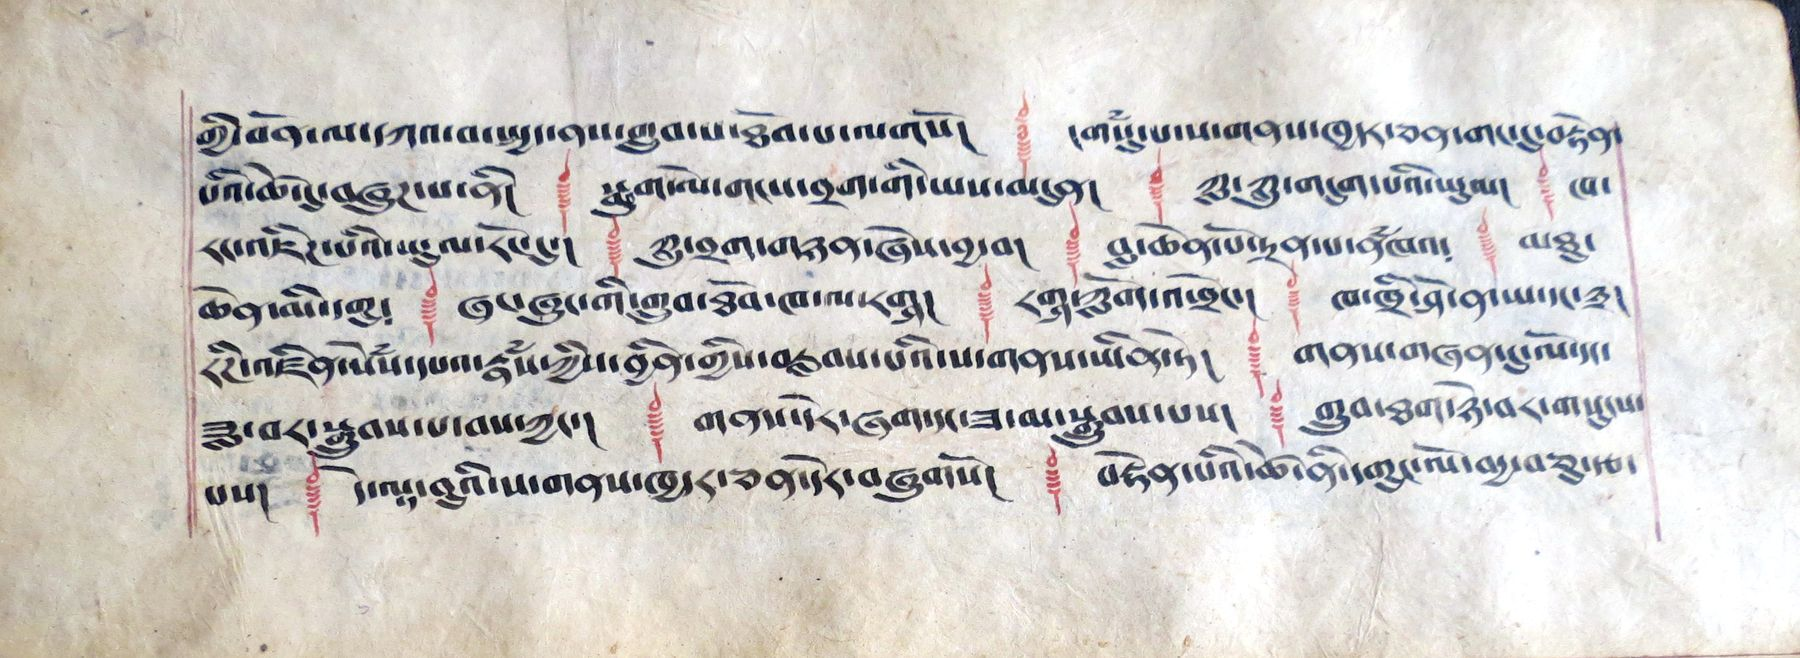གྱི་བོན་ལ་དཀའ་བ་སྤྱད་ནས་གྲུབ་པ་ཐོབ་པ་ལགས་སོ། ། གསུམ་པ་ས་གནས་ཁྱད་པར་ཅན་གང་དུ་བརྟེན་
པའི་ཚེ་དུ་བཞུགས་པ་ནི། སྨུག་ལེ་གངས་བྲག་གི་གཡས་མདུན། ལྷ་ཀླུ་གདུག་པའི་ཡུལ་ཁ་
རང་འཇིགས་པའི་ཡུལ་རོང་དུ། ཀླུ་བྲག་གཉན་ཞེས་བྱ་བ། བླ་ཆེན་པོ་དྲན་པ་ནམ་མཁའ། མཐུ་
ཆེན་མི་དགུ། ཞང་ཞུང་གི་གྲུབ་ཐོབ་ཁ་ལ་རག་ཤ། རག་ཤ་ཀློག་འཕྲེང་། ཁ་ཁྲི་ཤོ་ན་ཡ་དང་གསུམ། 
རིག་འཛིན་སེམས་དཔའ་རྣམས་ཀྱིས་བྱིན་གྱིས་བརླབས་པའི་ས་གནས་ཡིན་ཏེ། གནས་གཞན་དུ་ལོ་དང་
ཟླ་བར་བསྒྲུབ་པ་བས་ཀྱང་། གནས་དེར་ཞག་དང་ཟ་མ་བསྒྲུབ་པ། གྲུབ་ཐག་ཉེ་བར་གསུངས་
པས། དེ་ལྟ་བུའི་ས་གནས་ཁྱད་པར་ཅན་དེར་བཞུགས་སོ། ། བརྟེན་པའི་ཚེ་ནི་དགུང་ལོ་བརྒྱད་ཅུ་རྩ་